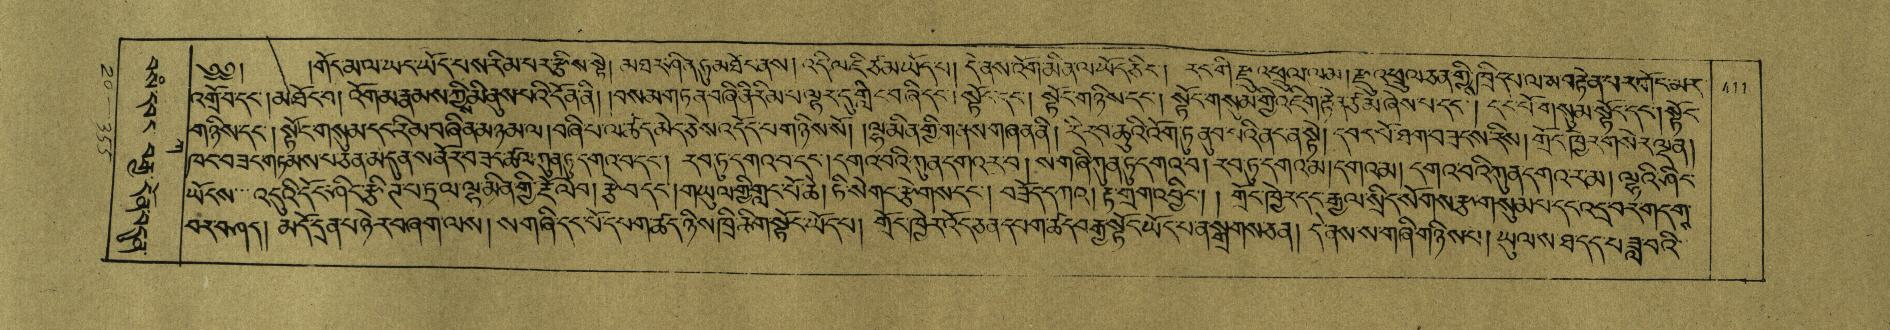༄༅། །གོང་མ་ལ་ཡང་ཡོད་པས་རིམ་པར་རྩིས་སྟེ། མཐར་ཤིན་ཏུ་མཐོང་ནས། འདི་ལ་ཇི་ཙམ་ཡོད་པ། དེ་ནས་འོག་མིན་ལ་ཡོད་ཅིང་། རང་གི་རྫུ་འཕྲུལ་ལམ། རྫུ་འཕྲུལ་ཅན་གྱིས་ཁྲིད་པ་ལ་མ་བརྟེན་པར་གོང་མར་
འགྲོ་བ་དང་། མཐོང་བ། འོག་མ་རྣམས་ཀྱིས་མི་ནུས་པའི་དོན་ནི། །བསམ་གཏན་བཞི་ནི་རིམ་པ་ལྟར་དུ་གླིང་བཞི་དང་། སྟོང་དང་། སྟོང་གཉིས་དང་། སྟོང་གསུམ་གྱི་འཇིག་རྟེན་ཙམ་ཞེས་པ་དང་། དང་པོ་གསུམ་སྟོང་དང་། སྟོང་
གཉིས་དང་། སྟོང་གསུམ་དང་རིམ་བཞིན་མཉམ་ལ། བཞི་པ་ལ་ཚད་མེད་ཅེས་འདོད་པ་གཉིས་སོ། །ལྷ་མིན་གྱི་གནས་གཞན་ནི། རི་རབ་ཆུའི་འོག་ཏུ་ནུབ་པའི་ནང་ན་སྟེ། དབང་པོ་ཐག་བཟངས་རིས། གྲོང་ཁྱེར་གསེར་ལྡན།
ཁང་བཟང་གཏམས་པ་ཅན་མདུན་ས་ནོར་བཟང་ཚལ་ཀུན་ཏུ་དགའ་བ་དང་། རབ་ཏུ་དགའ་བ་དང་། དགའ་བའི་ཀུན་དགའ་ར་བ། ས་གཞི་ཀུན་ཏུ་དགའ་བ། རབ་ཏུ་དགའ་མ། དགའ་མ། དགའ་བའི་ཀུན་དགའ་ར་མ། ལྷའི་ཤིང་
ཡོངས་འདུའི་དོང་ཤིང་རྩི་ཊ་པ་ཏྲ་ལ་ལྷ་མིན་གྱི་རྡོ་ལེབ། རྩེ་བ་དང་། གཡུལ་གྱི་གླང་པོ་ཆེ། ཏི་སེ་གང་རྩེགས་དང་། བཟོད་དཀའ། རྟ་གྲག་འབྱིང་། །གྲོང་ཁྱེར་དང་རྒྱལ་སྲིད་སོགས་རྩ་གསུམ་པ་དང་འདྲ་བར་གདགས་
བར་བཤད། མདོ་དྲན་པ་ཉེར་བཞག་ལས། ས་གཞི་དང་པོ་དཔག་ཚད་ཉིས་ཁྲི་ཆིག་སྟོང་ཡོད་པ། གྲོང་ཁྱེར་འོད་ཅན་དཔག་ཚད་བརྒྱ་སྟོང་ཡོད་པ་ན་སྒྲགས་ཅན། དེ་ནས་ས་གཞི་གཉིས་པ། ཡུལ་ས་ཐ་དད་པ་ཟླ་བའི་